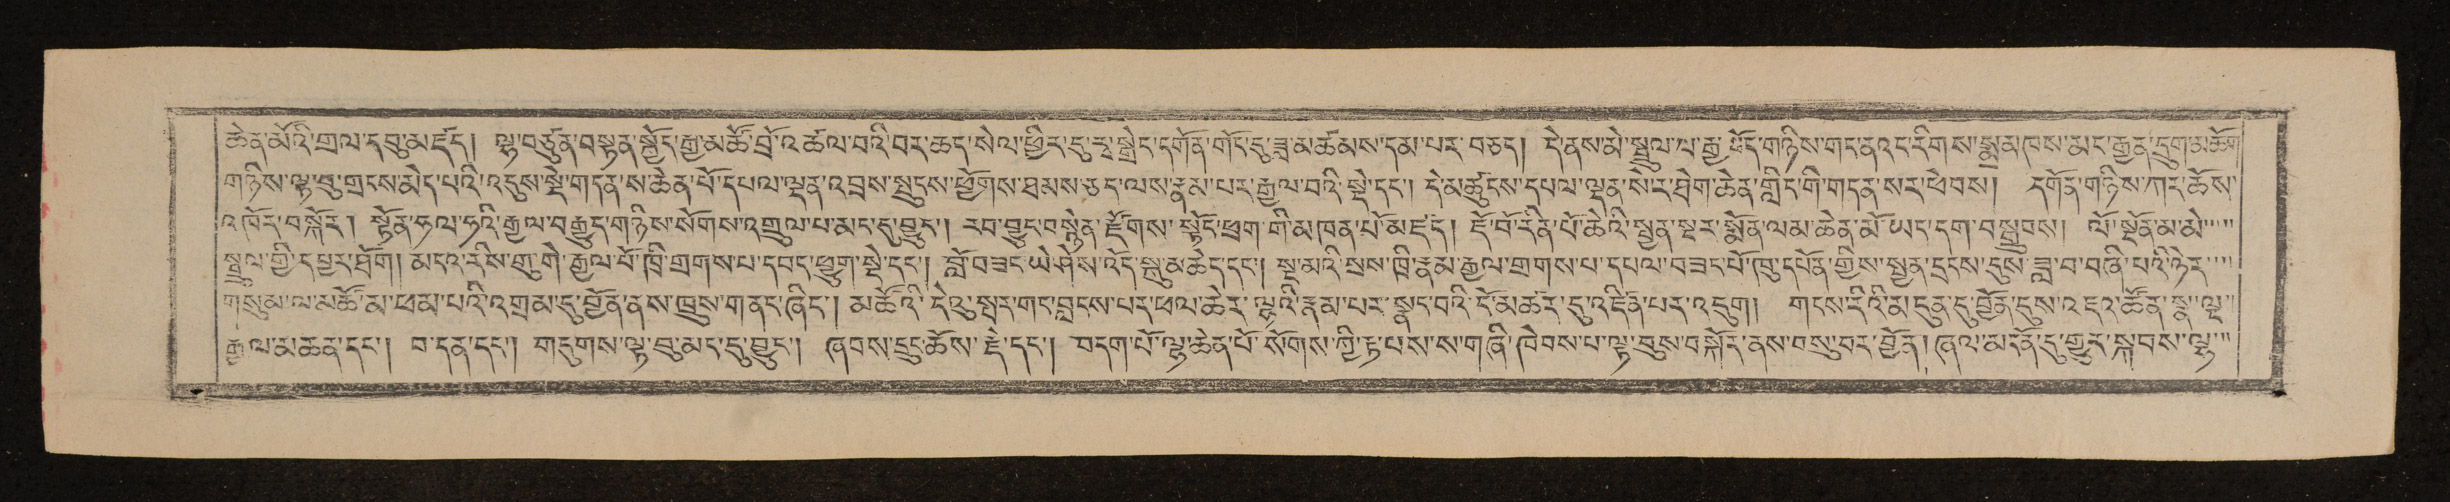སྨོན་ལམ་ཆེན་མོའི་གྲལ་དབུ་མཛད། ལྷ་བཙུན་བསྟན་སྐྱོང་རྒྱ་མཚོ་བྲོ་འཚལ་བའི་བར་ཆད་སེལ་ཕྱིར་དུ་རྭ་སྒྲེང་དགོན་གོང་དུ་ཟླ་མཚམས་དམ་པར་བཅད། དེ་ནས་མེ་སྦྲུལ་ལ་རྒྱ་བོད་གཉིས་གང་ནའང་རིགས་སྨྲ་མཁས་མང་རྒྱན་
དྲུག་མཆོག་གཉིས་ལྟ་བུ་གྲངས་མེད་པའི་འདུས་སྡེ་གདན་ས་ཆེན་པོ་དཔལ་ལྡན་འབྲས་སྤུངས་ཕྱོགས་ཐམས་ཅད་ལས་རྣམ་པར་རྒྱལ་བའི་སྡེ་དང་། དེ་མཚུངས་དཔལ་ལྡན་སེ་ར་ཐེག་ཆེན་གླིང་གི་གདན་སར་ཕེབས། དགོན་
གཉིས་ཀར་ཆོས་འཁོར་བསྐོར། སྟོན་ཧལ་ཧའི་རྒྱལ་བརྒྱུད་གཉིས་སོགས་འགྲུལ་པ་མང་དུ་བྱུང་། རབ་བྱུང་བསྙེན་རྫོགས་སྟོང་ཕྲག་གི་མཁན་པོ་མཛད། ཇོ་བོ་རིན་པོ་ཆེའི་སྤྱན་སྔར་སྨོན་ལམ་ཆེན་མོ་ཡང་དག་བསྒྲུབས། ལོ་
སྔོན་མ་མེ་སྦྲུལ་གྱི་དབྱར་ཐོག །མངའ་རིས་གུ་གེ་རྒྱལ་པོ་ཁྲི་གྲགས་པ་དབང་ཕྱུག་སྡེ་དང་། བློ་བཟང་ཡེ་ཤེས་འོད་སྐུ་མཆེད་དང་། སྔ་མའི་སྲས་ཁྲི་རྣམ་རྒྱལ་གྲགས་པ་དཔལ་བཟང་པོ་ཁུ་དབོན་གྱིས་སྤྱན་དྲངས་དུས་ཟླ་བ་བཞི་
པའི་ཉེར་གསུམ་ལ་མཚོ་མ་ཕམ་པའི་འགྲམ་དུ་བྱོན་ནས་ཁྲུས་གནང་ཞིང་། མཚོའི་རྡེའུ་སྤར་གང་བླངས་པར་ཕལ་ཆེར་ལྷའི་རྣམ་པར་སྣང་བའི་ངོ་མཚར་དུ་འཛིན་པར་འདུག །གངས་རིའི་མདུན་དུ་བྱོན་དུས་འཇའ་ཚོན་སྣ་
ལྔ་རྒྱལ་མཚན་དང་། བ་དན་དང་། གདུགས་ལྟ་བུ་མང་དུ་བྱུང་། ཞབས་དྲུང་ཆོས་རྗེ་དང་། བདག་པོ་ལྷ་ཆེན་པོ་སོགས་ཀྱི་རྟ་པས་ས་གཞི་ཁེབས་པ་ལྟ་བུས་བསྐོར་ནས་བསུ་བར་བྱོན། ཞལ་མངོན་དུ་གྱུར་སྐབས་ལྷ་